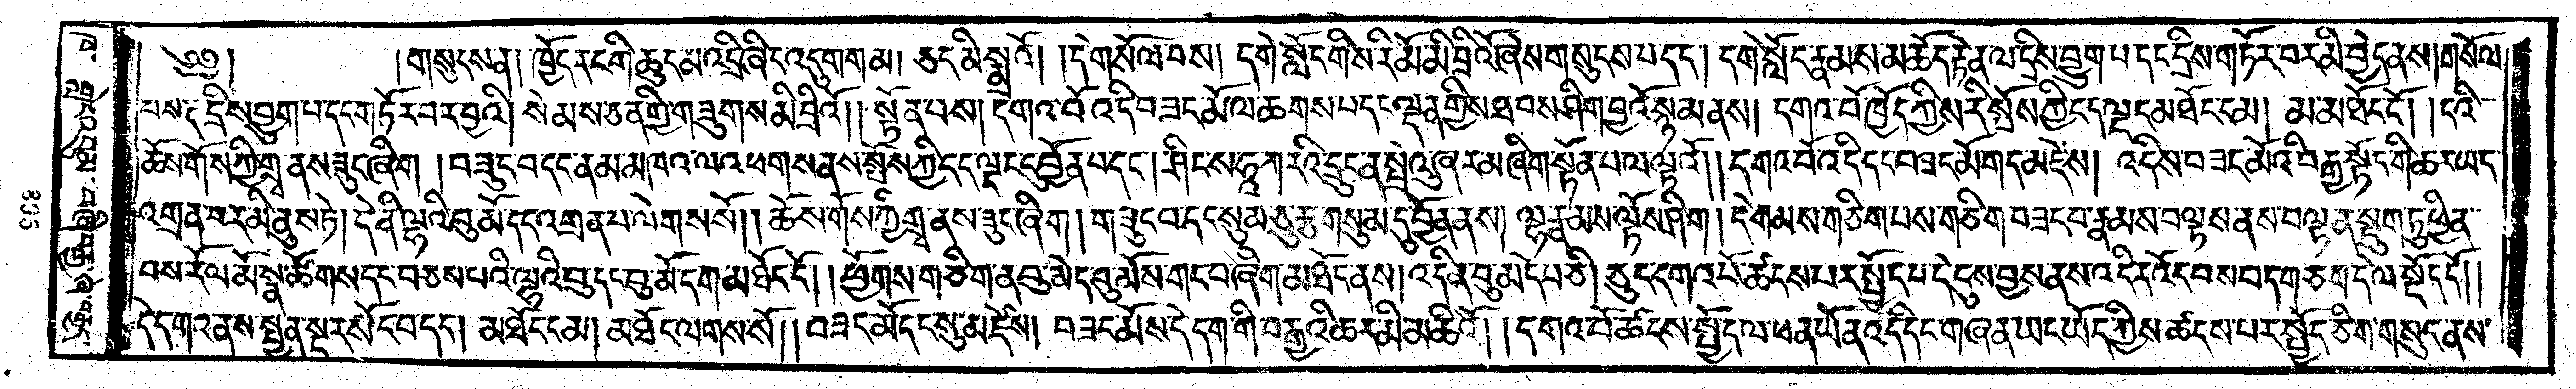༄༅། །གསུངས་ན། ཁྱོད་རང་གི་ཆུད་མ་འདྲི་ཞིང་འདུག་གམ། ཅད་མི་སྨྲའོ། །དེ་གསོལ་བས། དགེ་སློང་གིས་རི་མོ་མི་བྲིའོ་ཞེས་གསུངས་པ་དང་། དགེ་སློང་རྣམས་མཆོད་རྟེན་ལ་དྲིས་བྱུག་པ་དང་དྲིས་གཏོར་བར་མི་བྱེད་ནས། གསོལ་
པས༑ དྲིས་བྱུག་པ་དང་གཏོར་བར་བྱའི། སེམས་ཅན་གྱི་གཟུགས་མི་བྲིའོ། །སྟོན་པས། དགའ་བོ་འདི་བཟང་མོ་ལ་ཆགས་པ་དང་ལྡན་གྱིས་ཐབས་ཤིག་བྱའོ་སྙམ་ནས། དགའ་བོ་ཁྱོད་ཀྱིས་རི་སྤོས་ཀྱི་ངད་ལྡང་མཐོང་ངམ། མ་མཐོང་ངོ། །ངའི་
ཆོས་གོས་ཀྱི་གྲྭ་ནས་ཟུང་ཞིག། །བཟུང་བ་དང་ནམ་མཁའ་ལ་འཕགས་ནས་སྤོས་ཀྱི་དད་ལྡང་དུ་བྱོན་པ་དང་། ཤིང་ས་ཧཱ་ཀ་རའི་དྲུང་ན་སྤྲེའུ་ཞར་མ་ཞིག་སྟོན་པ་ལ་ལྟའོ། །དགའ་བོ་འདི་དང་བཟད་མོ་གད་མཛེས། འདིས་བཟང་མོའི་བརྒྱ་སྟོང་གི་ཆར་ཡང་
འགྲན་བར་མི་ནུས་ཏེ། དེ་ནི་ལྷའི་བུ་མོ་དང་འགྲན་པ་ལེགས་སོ།། ཆོས་གོས་ཀྱི་གྲྭ་ནས་ཟུང་ཞིག། གཟུང་བ་དང་སུམ་ཅུ་རྩ་གསུམ་དུ་བྱོན་ནས། ལྷ་རྣམས་ལྟོས་ཤིག། དེ་གམས་གཅིག་པས་གཅིག་བཟང་བ་རྣམས་བལྟས་ནས་བལྟས་ནས་བལྟན་སྡུག་ཏུ་ཕྱིན་
བས་རོལ་མོ་སྣ་ཚོགས་དང་བཅས་པའི་ལྷའི་བུ་དང་བུ་མོ་དག་མཐོང་ངོ། །ཕྱོགས་གཅིག་ན་བུ་མེད་བུ་མོས་གང་བ་ཞིག་མཐོང་ནས། དཱི་ན་བུ་མེད་པ་ཅི། ཅུང་དགའ་པོ་ཚངས་པར་སྤྱོད་པ་དེ་དུས་བྱས་ནས་འདིར་འོད་བས་བདག་ཅག་དེ་ལ་སྡོད་དོ།།
དེ་དགའ་ནས་སྤྱན་སྔར་སོང་བ་དང་། མཐོང་ངམ། མཐོང་ལགས་སོ།། བཟང་མོ་དང་སུ་མཛེས། བཟང་མོས་དེ་དག་གི་བརྒྱའི་ཆར་མི་མཆིའོ། །དགའ་བོ་ཚངས་སྤྱོད་ལ་ཕན་ཡོན་འདི་དང་གཞན་ཡང་ཡོད་ཀྱིས་ཚངས་པར་སྤྱོད་ཅིག་གསུང་ནས་